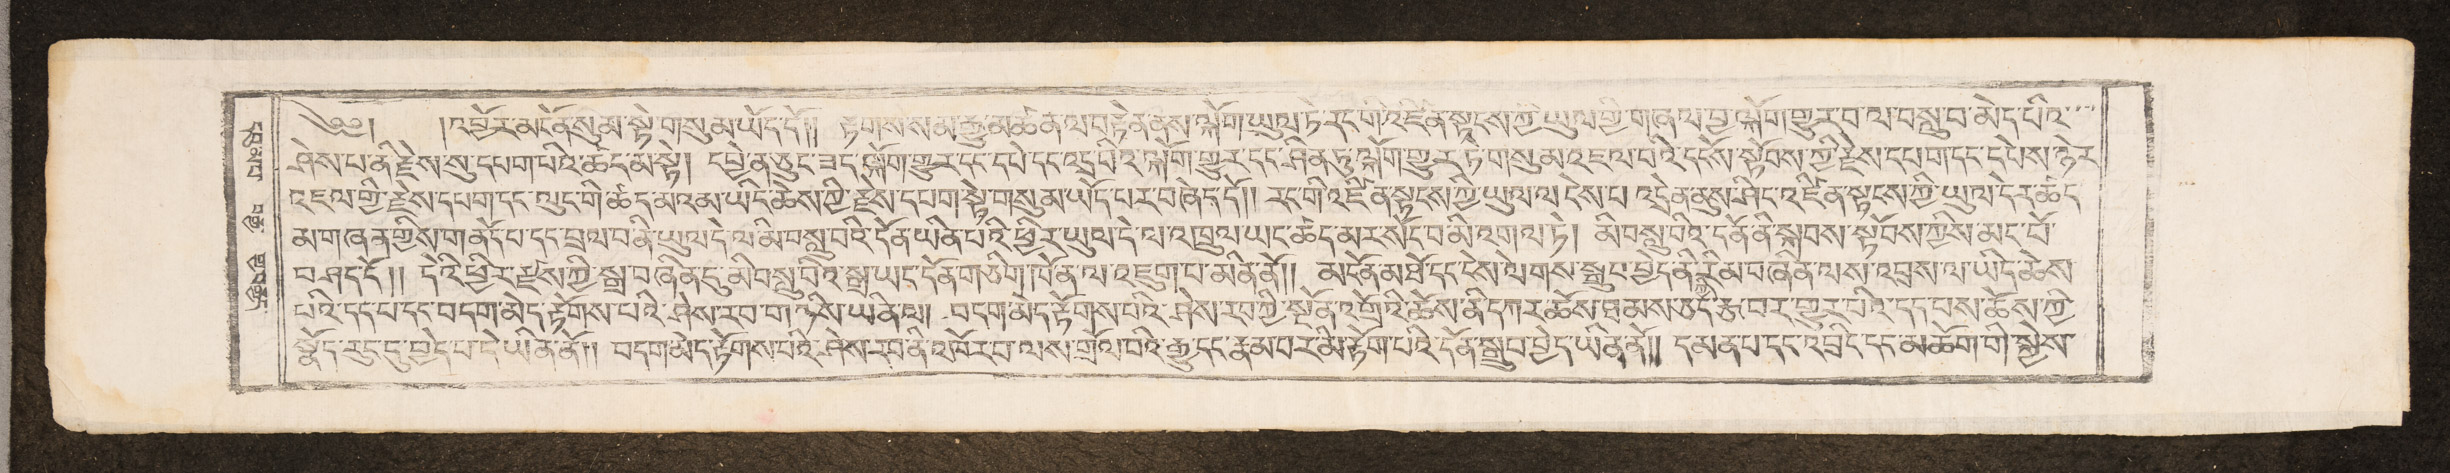༄༅། །འབྱོར་མངོན་སུམ་སྟེ་གསུམ་ཡོད་དོ།། རྟགས་སམ་རྒྱུ་མཚན་ལ་བརྟེན་ནས་ལྐོག་ཡུལ་ཏེ་རང་གི་འཛིན་སྟངས་ཀྱི་ཡུལ་གྱི་གཞལ་བྱ་ལྐོག་གྱུར་བ་ལ་བསླུ་བ་མེད་པའི་
ཤེས་པ་ནི་རྗེས་སུ་དཔག་པའི་ཚད་མ་སྟེ། དབྱེ་ན་ཅུང་ཟད་ལྐོག་གྱུར་དང་དཔེ་དང་འདྲ་བའི་ལྐོག་གྱུར་དང་ཤིན་ཏུ་ལྐོག་གྱུར་ཏེ་གསུམ་འཇལ་བའི་དངོས་སྟོབས་ཀྱི་རྗེས་དཔག་དང་དཔེས་ཉེར་
འཇལ་གྱི་རྗེས་དཔག་དང་ལུང་གི་ཚད་མའམ་ཡིད་ཆེས་ཀྱི་རྗེས་དཔག་སྟེ་གསུམ་ཡོད་པར་བཞེད་དོ།། རང་གི་འཛིན་སྟངས་ཀྱི་ཡུལ་ལ་ངེས་པ་འདྲེན་ནུས་ཤིང་འཛིན་སྟངས་ཀྱི་ཡུལ་དེར་ཚད་
མ་གཞན་གྱིས་གནོད་པ་དང་བྲལ་བ་ནི་ཡུལ་དེ་ལ་མི་བསླུ་བའི་དོན་ཡིན་པའི་ཕྱིར་ཡུལ་དེ་ལ་འཁྲུལ་ཡང་ཚད་མར་སོང་བ་མི་འགལ་ཏེ། མི་བསླུ་བའི་དོན་ནི་སྐབས་སྟོབས་ཀྱིས་མང་པོ་
བཤད་དོ།། དེའི་ཕྱིར་རྫས་ཀྱི་སྒྲ་བཞིན་དུ་མི་བསླུ་བའི་སྒྲ་ཡང་དོན་གཅིག་ཁོ་ན་ལ་འཇུག་པ་མིན་ནོ།། མངོན་མཐོ་དང་ངེས་ལེགས་སྒྲུབ་བྱེད་ནི་ཀྱི་རིམ་བཞིན་ལས་འབྲས་ལ་ཡིད་ཆེས་
པའི་དད་པ་དང་བདག་མེད་རྟོགས་པའི་ཤེས་རབ་གཉིས་ཡིན་ལ། བདག་མེད་རྟོགས་པའི་ཤེས་རབ་ཀྱི་སྔོན་འགྲོའི་ཚེས་ནི་དཀར་ཆོས་ཐམས་ཅད་རྩ་བར་གྱུར་པའི་དད་པས་ཆོས་ཀྱི་
སྣོད་རུང་དུ་བྱེད་པ་དེ་ཡིན་ནོ།། བདག་མེད་རྟོགས་པའི་ཤེས་རབ་ནི་འཁོར་བ་ལས་གྲོལ་བའི་རྒྱུ་དང་རྣམ་པར་མི་རྟོག་པའི་དོན་སྒྲུབ་བྱེད་ཡིན་ནོ།། དམན་པ་དང་འབྲིང་དང་མཆོག་གི་སྐྱེས་